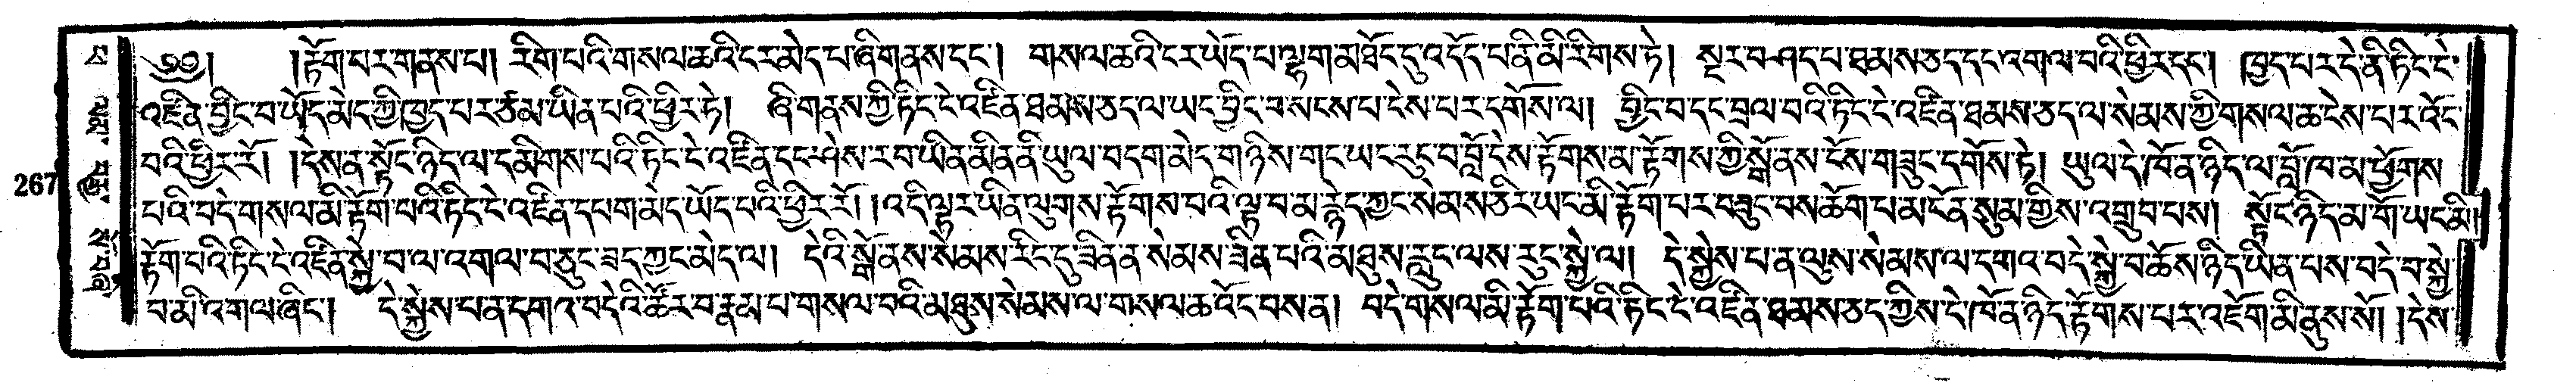༄༅། །རྟོག་པར་གནས་པ། རིག་པའི་གསལ་ཆའི་ངར་མེད་པ་ཞི་གནས་དང་། གསལ་ཆའི་ངར་ཡོད་པ་ལྷག་མཐོང་དུ་འདོད་པ་ནི་མི་རིགས་ཏེ། སྔར་བཤད་པ་ཐམས་ཅད་དང་འགལ་བའི་ཕྱིར་དང་། ཁྱད་པར་དེ་ནི་ཏིང་ངེ་
འཛིན་བྱིང་བ་ཡོད་མེད་ཀྱི་ཁྱད་པར་ཙམ་ཡིན་པའི་ཕྱིར་ཏེ། ཞི་གནས་ཀྱི་ཏིང་ངེ་འཛིན་ཐམས་ཅད་ལ་ཡང་བྱིང་བ་སངས་པ་ངེས་པར་དགོས་ལ། བྱིང་བ་དང་བྲལ་བའི་ཏིང་ངེ་འཛིན་ཐམས་ཅད་ལ་སེམས་ཀྱི་གསལ་ཆ་ངེས་པར་འོང་
པའི་ཕྱིར་རོ། །དེས་ན་སྟོང་ཉིད་ལ་དམིགས་པའི་ཏིང་ངེ་འཛིན་དང་ཤེས་རབ་ཡིན་མིན་ནི་ཡུལ་བདག་མེད་གཉིས་གང་ཡང་རུང་བ་བློ་དེས་རྟོགས་མ་རྟོགས་ཀྱི་སྒོ་ནས་ངོས་གཟུང་དགོས་ཏེ། ཡུལ་དེ་ཁོ་ན་ཉིད་ལ་བློ་ཁ་མ་ཕྱོགས་
པའི་བདེ་གསལ་མི་རྟོག་པའི་རིང་ངེ་འཛིན་དཔག་མེད་ཡོད་པའི་ཕྱིར་རོ། །འདི་ལྟར་ཡིན་ལུགས་རྟོགས་པའི་ལྟ་བ་མ་རྙེད་ཀྱང་སེམས་ཅིར་ཡང་མི་རྟོག་པར་བཟུང་བས་ཆོག་པ་མངོན་སུམ་གྱིས་འགྲུབ་པས། སྟོང་ཉིད་མ་གོ་ཡང་མི།
རྟོག་པའི་ཏིང་ངེ་འཛིན་སྐྱེ་བ་ལ་འགལ་བ་ཅུང་ཟད་ཀྱང་མེད་ལ། དེའི་སྒོ་ནས་སེམས་རིང་དུ་ཟིན་ན་སེམས་ཟིན་པའི་མཐུས་རླུང་ལས་རུང་སྐྱེ་ལ། དེ་སྐྱེས་པ་ན་ལུས་སེམས་ལ་དགའ་བདེ་སྐྱེ་བ་ཆོས་ཉིད་ཡིན་པས་བདེ་བ་སྐྱེ་
བ་མི་འགལ་ཞིང་། དེ་སྐྱེས་པ་ན་དགའ་བདེའི་ཚོར་བ་རྣམ་པ་གསལ་བའི་མཐུས་སེམས་ལ་གསལ་ཆ་འོང་བས་ན། བདེ་གསལ་མི་རྟོག་པའི་ཏིང་ངེ་འཛིན་ཐམས་ཅད་ཀྱིས་དེ་ཁོ་ན་ཉིད་རྟོགས་པར་འཇོག་མི་ནུས་སོ། །དེས་